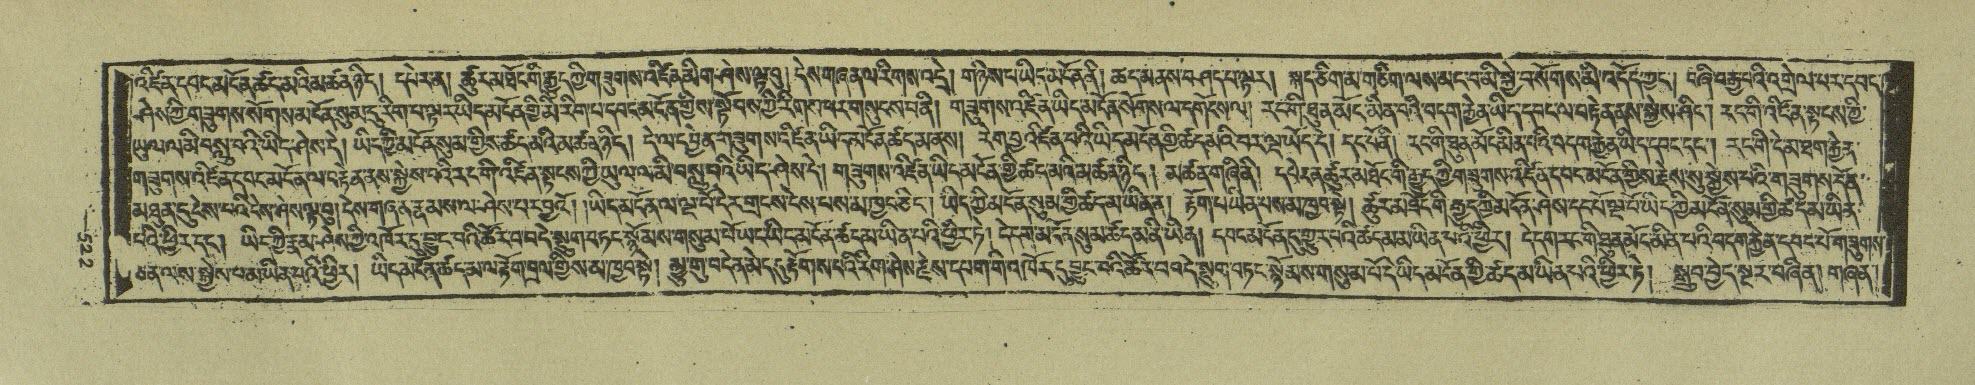འཛིན་དབང་མངོན་ཚད་མའི་མཚན་ཉིད། དཔེར་ན། ཚུར་མཐོང་གི་རྒྱུད་ཀྱི་གཟུགས་འཛིན་མིག་ཤེས་ལྟ་བུ། དེས་གཞན་ལ་རིགས་འདྲེ། གཉིས་པ་ཡིད་མངོན་ནི། ཚད་མ་ནས་བཤད་པ་ལྟར། སྐད་ཅིག་མ་གཅིག་ལས་མང་བ་མི་སྐྱེ་བ་སོགས་མི་འདོད་ཀྱང་། བཞི་བརྒྱ་བའི་འགྲེལ་པར་དབང་
ཤིས་ཀྱི་གཟུགས་སོགས་མངོན་སུམ་དུ་རིག་པ་ལྟར་ཡིད་མངོན་གྱི་མི་རིག་པ་དབང་མངོན་གྱིས་སྟོབས་ཀྱི་རིགས་པར་གསུངས་པ་ནི། གཟུགས་འཛིན་ཡིད་མངོན་སོགས་ལ་དགོངས་ལ། རང་གི་ཐུན་མོང་མིན་པའི་བདག་རྐྱེན་ཡིད་དབང་ལ་བརྟེན་ནས་སྐྱེས་ཤིང་། རང་གི་འཛིན་སྟངས་ཀྱི་
ཡུལ་ལ་མི་བསླུ་བའི་ཡིད་ཤེས་དེ། ཡིད་ཀྱི་མངོན་སུམ་གྱིས་ཚད་མའི་མཚན་ཉིད། དེ་ལ་དབྱེ་ན་གཟུགས་འཛིན་ཡིད་མངོན་ཚད་མ་ནས། རེག་བྱ་འཛིན་པའི་ཡིད་མངོན་གྱི་ཚད་མའི་བར་ལྔ་ཡོད་དེ། དང་པོ་ནི། རང་གི་ཐུན་མོང་མིན་པའི་བདག་རྐྱེན་ཡིད་དབང་དང་། རང་གི་དེ་མ་ཐག་རྐྱེན་
གཟུགས་འཛིན་དབང་མངོན་ལ་བརྟེན་ནས་སྐྱེས་པའི་རང་གི་འཛིན་སྟངས་ཀྱི་ཡུལ་ལ་མི་བསླུ་བའི་ཡིད་ཤེས་དེ། གཟུགས་འཛིན་ཡིད་མངོན་གྱི་ཚད་མའི་མཚན་ཉིད། མཚན་གཞི་ནི། དཔེར་ན་ཚུར་མཐོང་གི་རྒྱུད་ཀྱི་གཟུགས་འཛིན་དབང་མངོན་གྱིས་རྗེས་སུ་སྐྱེས་པའི་གཟུགས་དོན་
མཐུན་དུ་ངེས་པའི་ངེས་ཤེས་ལྟ་བུ། དེས་གཞན་རྣམས་ལ་ཤེས་བ་བྱའོ། །ཡིད་མངོན་ལ་ལྔ་པོ་དེར་གྲངས་ངེས་པས་མ་ཁྱ་ཅིང་། ཡིད་ཀྱི་མངོན་སུམ་གྱི་ཚད་མ་ཡིན་ན། རྟོག་པ་ཡིན་པས་མ་ཁྱབ་སྟེ། ཚུར་མཐོང་གི་རྒྱུད་ཀྱི་མངོན་ཤེས་དང་པོ་ལྔ་པོ་ཡིད་ཀྱི་མངོན་སུམ་གྱི་ཚད་མ་ཡིན་
པའི་ཕྱིར་དང་། ཡིད་ཀྱི་རྣམ་ཤེས་ཀྱི་འཁོར་དུ་བྱུང་བའི་ཚོར་བ་བདེ་སྡུག་བཏང་སྙོམས་གསུམ་པོ་ཡང་ཡིད་མངོན་ཚད་མ་ཡིན་པའི་ཕྱིར་ཏེ། དེ་དག་མངོན་སུམ་ཚད་མ་ནི་ཡིན། དབང་མངོན་དུ་གྱུར་བའི་ཚད་མ་མ་ཡིན་པའི་ཕྱིར། དེ་དག་རང་གི་ཐུན་མོང་མིན་པའི་བདག་རྐྱེན་དབང་པོ་གཟུགས་
ཅན་ལས་སྐྱེས་བ་མ་ཡིན་པའི་ཕྱིར། ཡིད་མངོན་ཚད་མ་ལ་རྟོག་བྲལ་གྱིས་མ་ཁྱབ་སྟེ། མྱུ་གུ་བདེན་མེད་དུ་རྟོགས་པའི་རིག་ཤེས་རྗེས་དཔག་གི་འཁོར་དུ་བྱུང་བའི་ཚོར་བ་བདེ་སྡུག་བཏང་སྙོམས་གསུམ་པོ་དེ་ཡིད་མངོན་གྱི་ཚད་མ་ཡིན་པའི་ཕྱིར་ཏེ། སྒྲུབ་བྱེད་སྔར་བཞིན། གཞན་